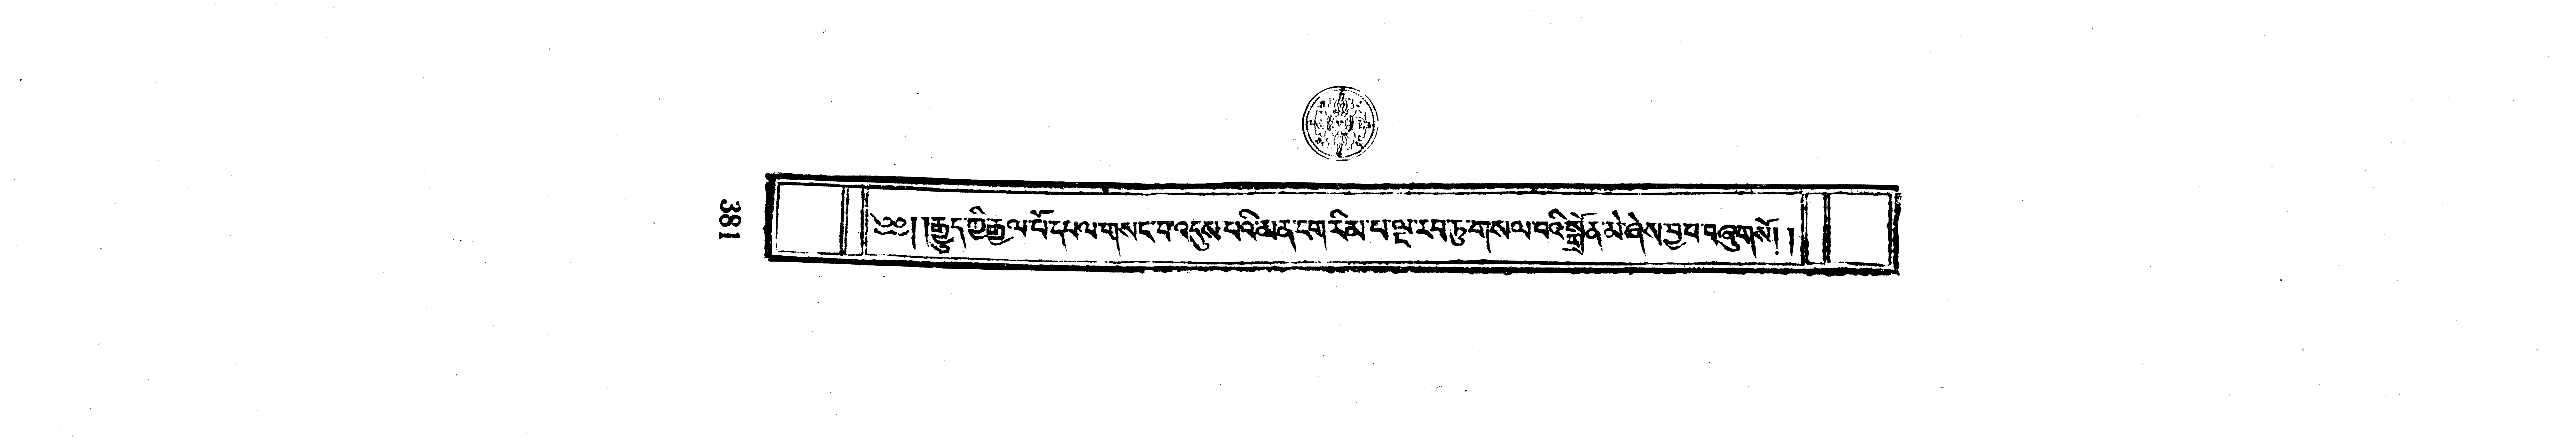༄༅། །རྒྱུད་ཀྱི་རྒྱལ་པོ་དཔལ་གསང་བ་འདུས་པའི་མན་ངག་རིམ་པ་ལྔ་རབ་ཏུ་གསལ་བའི་སྒྲོན་མེ་ཞེས་བྱ་བ་བཞུགས་སོ། །